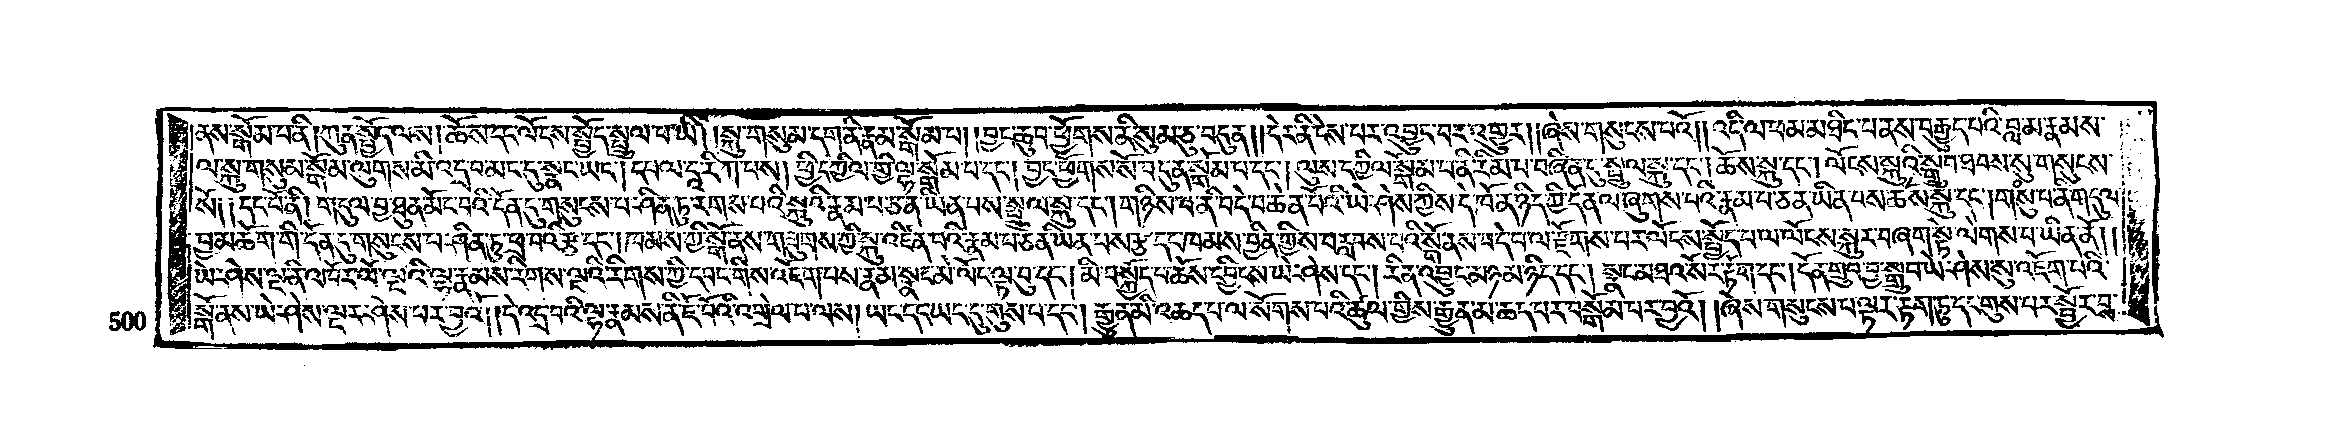ནས་སྒོམ་པ་ནི། ཀུན་སྤྱོད་ལས། ཆོས་དང་ལོངས་སྤྱོད་སྤྲུལ་པ་ཡི། །སྐུ་གསུམ་དག་ནི་རྣམ་སྒོམ་པ། །བྱང་ཆུབ་ཕྱོགས་ནི་སུམ་ཅུ་བདུན། །དེར་ནི་ངེས་པར་འབྱུང་བར་འགྱུར། །ཞེས་གསུངས་པའོ། །འདི་ལ་ཕམ་མཐིང་པ་ནས་བརྒྱུད་པའི་བླ་མ་རྣམས་
ལ་སྐུ་གསུམ་སྒོམ་ལུགས་མི་འདྲ་བ་མང་དུ་སྣང་ཡང་། དཔལ་དཱ་རི་ཀ་པས། ཕྱི་དཀྱིལ་གྱི་ལྷ་སྒོམ་པ་དང་། བྱང་ཕྱོགས་སོ་བདུན་སྒོམ་པ་དང་། ལུས་དཀྱིལ་སྒོམ་པ་ནི་རིམ་པ་བཞིན་དུ་སྤྲུལ་སྐུ་དང་། ཆོས་སྐུ་དང་། ལོངས་སྐུའི་སྒྲུབ་ཐབས་སུ་གསུངས་
སོ། །དང་པོ་ནི། གདུལ་བྱ་ཐུན་མོང་བའི་དོན་དུ་གསུངས་པ་ཤིན་ཏུ་རིགས་པའི་སྐུའི་རྣམ་པ་ཅན་ཡིན་པས་སྤྲུལ་སྐུ་དང་། གཉིས་པ་ནི་བདེ་བ་ཆེན་པོའི་ཡེ་ཤེས་ཀྱིས་དེ་ཁོ་ན་ཉིད་ཀྱི་དོན་ལ་ཞུགས་པའི་རྣམ་པ་ཅན་ཡིན་པས་ཆོས་སྐུ་དང་། གསུམ་པ་ནི་གདུལ་
བྱ་མཆོག་གི་དོན་དུ་གསུངས་པ་ཤིན་ཏུ་ཕྲ་བའི་རྩ་དང་། ཁམས་ཀྱི་སྒོ་ནས་གཟུགས་ཀྱི་སྐུ་འཛིན་པའི་རྣམ་པ་ཅན་ཡིན་པས་རྩ་དང་ཁམས་བྱིན་གྱིས་བརླབས་པའི་སྒོ་ནས་བདེ་བ་ལ་རྫོགས་པར་ལོངས་སྤྱོད་པ་ལ་ལོངས་སྐུར་བཞག་སྟེ་ལེགས་པ་ཡིན་ནོ། །
ཡེ་ཤེས་ལྔ་ནི་འཁོར་ལོ་ལྔའི་ལྷ་རྣམས་རིགས་ལྔའི་རིགས་ཀྱི་དབང་གིས་འཇོག་པས་རྣམ་སྣང་མེ་ལོང་ལྟ་བུ་དང་། མི་བསྐྱོད་པ་ཆོས་དབྱིངས་ཡེ་ཤེས་དང་། རིན་འབྱུང་མཉམ་ཉིད་དང་། སྣང་མཐའ་སོར་རྟོག་དང་། དོན་གྲུབ་བྱ་སྒྲུབ་ཡེ་ཤེས་སུ་འཇོག་པའི་
སྒོ་ནས་ཡེ་ཤེས་ལྔར་ཤེས་པར་བྱའོ། །དེ་འདྲ་བའི་ལྷ་རྣམས་ནི་ཇོ་བོའི་འགྲེལ་པ་ལས། ཡང་དང་ཡང་དུ་གུས་པ་དང་། རྒྱུན་མི་འཆད་པ་ལ་སོགས་པའི་ཚུལ་གྱིས་རྒྱུན་མ་ཆད་པར་བསྒོམ་པར་བྱའོ། །ཞེས་གསུངས་པ་ལྟར་རྟག་ཏུ་དང་གུས་པར་སྦྱོར་བས་